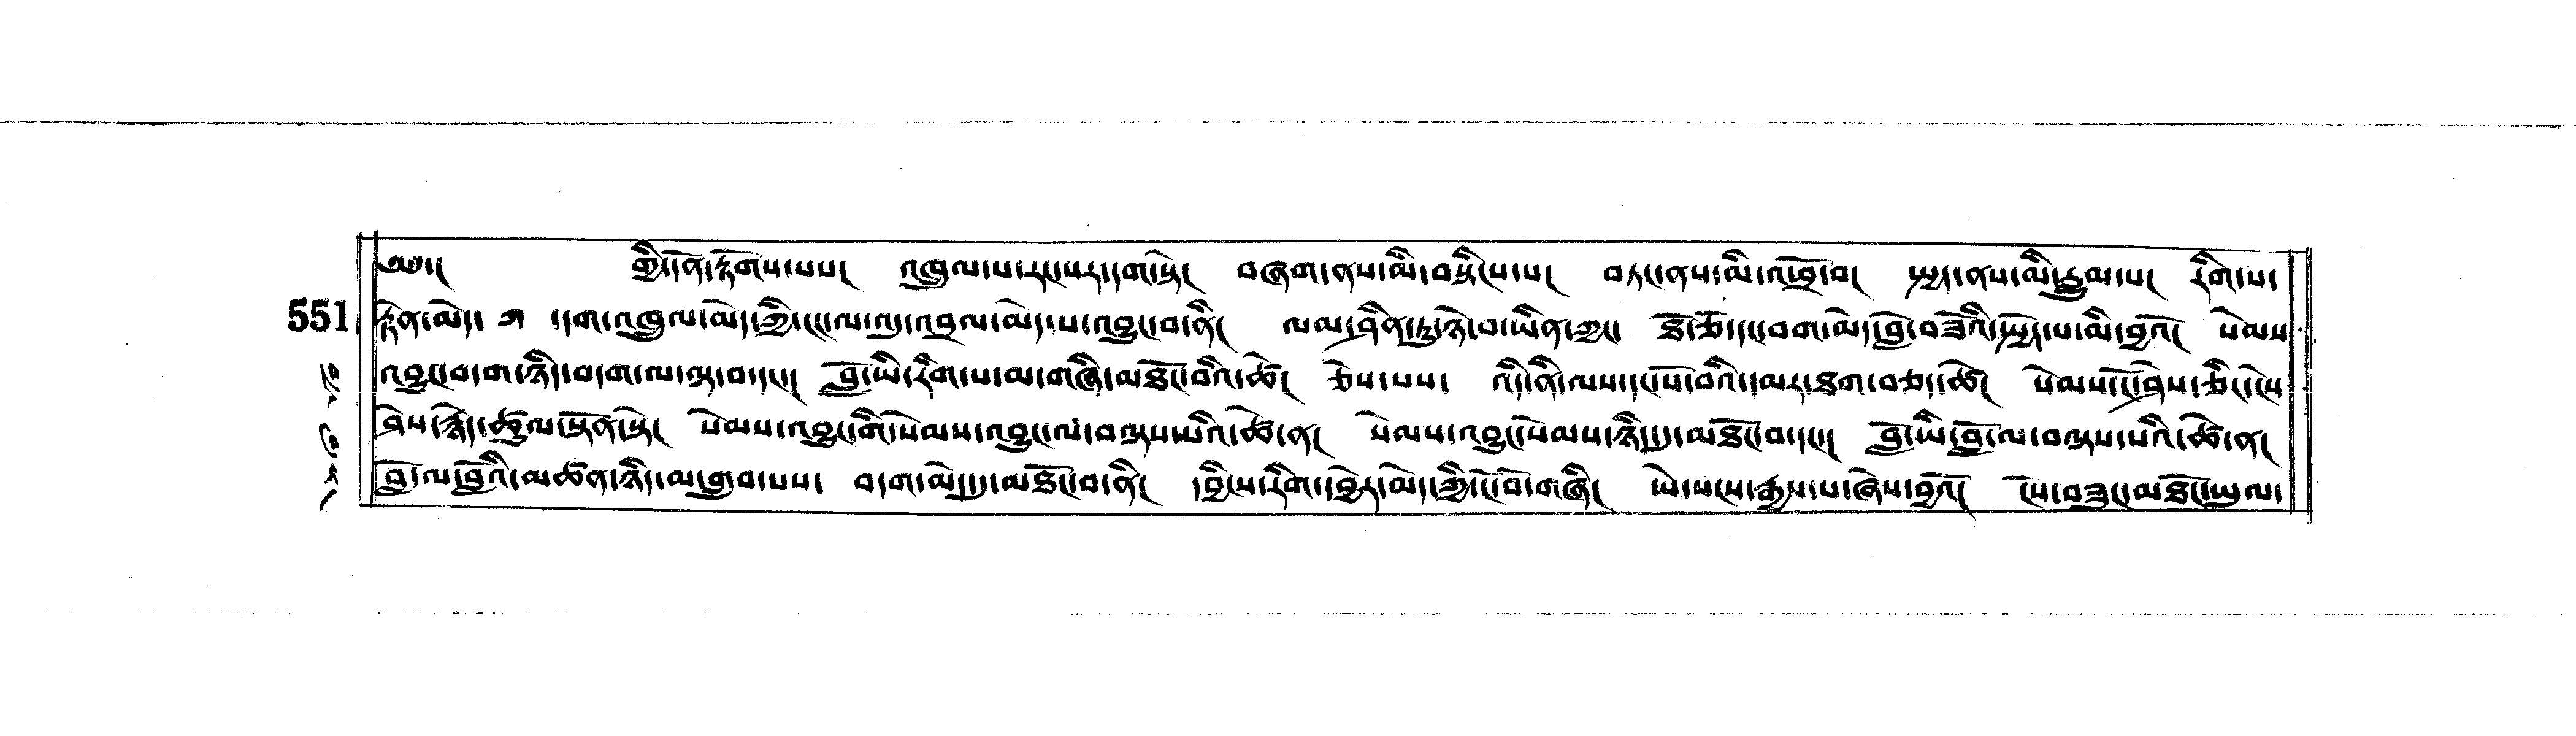གྱི་དོན་རྟོགས་པས། འཁྲུལ་པ་རང་སར་དག་སྟེ། བཞག་ནས་མི་བསྟིངས་པ། བཏང་ནས་མི་འཕྲོ་བ། སྤྱད་ནས་མི་རླུམ་པ། རིག་པ་
རྟེན་མེད་ཀ་དག་འཁྲུལ་མེད་ཀྱི་ངང་ལ་འདུ་འབྲལ་མེད་པ་འབྱུང་བ་ནི། ལམ་ཤིན་ཏུ་ཉེ་བ་ཡིན་ཀྱང་། ཐོ་ཅོ་དང་བག་མེད་བློ་བཟོའི་སྤྱོད་པ་མི་བྱའོ། སེམས་
འབྱུང་བདག་ཉིད་བདག་ལ་ལྟ་བ་དང་། བློ་ཡི་རིག་པ་མ་བཞི་མཐོང་བའི་ཚེ། ཅེས་པས། འདི་ནི་ལས་དང་པོའི་དམར་ཐག་བཅད་ཚེ། སེམས་ངོ་ཤེས་ཤིང་ངེས་
ཤེས་རྙེད་ཚུལ་སྟོན་ཏེ། སེམས་འབྱུང་གིས་སེམས་འབྱུང་ལ་བལྟས་པའི་ཚེ་ན། སེམས་འབྱུང་སེམས་ཉིད་དུ་མཐོང་བ་དང་། བློ་ཡིས་བློ་ལ་བལྟས་པའི་ཚེ་ན། 
བློ་ལ་བློ་ཡི་མཚན་ཉིད་མ་གྲུབ་པས། བདག་མེད་དུ་མཐོང་བ་ནི། དབྱིངས་རིག་དབྱེར་མེད་ཀྱི་ངོ་བོ་གཞི་ཡེ་སངས་རྒྱས་པ་ཞེས་བྱའོ། ངེས་བཟུང་མཐོང་ཡུལ་